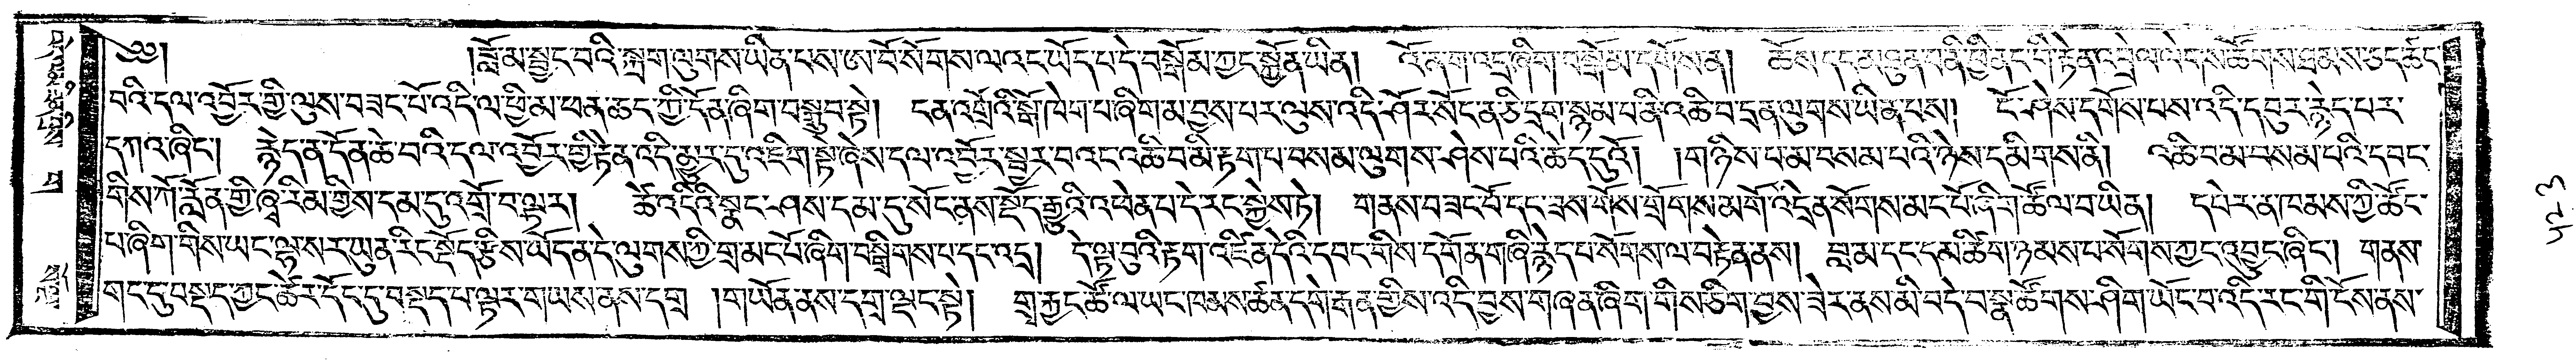༄༅། །བློ་མ་སྤྱང་བའི་སྐྲག་ལུགས་ཡིན་པས་ཨ་བོ་སོགས་ལའང་ཡོད་པ་དེ་བསྒོམ་ཀྱང་སྐྱོན་ཡིན། འོ་ན་ག་འདྲ་ཞིག་བསྒོམ་དགོས་ན། ཆོས་དང་མཐུན་བ་ནི་ཕྱི་ནང་གི་རྟེན་འབྲེལ་ལེགས་ཚོགས་ཐམས་ཅད་
བའི་དལ་འབྱོར་གྱི་ལུས་བཟང་པོ་འདི་ལ་ཕྱི་མ་ཕན་ཆད་ཀྱི་དོན་ཞིག་བསྒྲུབ་སྟེ། ངན་འགྲོའི་སྒོ་ཁེག་པ་ཞིག་མ་བྱས་པར་ལུས་འདི་ཤོར་སོང་ན་ཅི་དྲག་སྙམ་པ་ནི་འཆི་བ་དྲན་ལུགས་ཡིན་པས། ངོ་ཤེས་དགོས་པས་འདི་དབུར་རྙེད་པར་
དཀའ་ཞིང་། རྙེད་ན་དོན་ཆེ་བའི་དལ་འབྱོར་གྱི་རྟེན་འདི་མྱུར་དུ་འཇིག་སྟེ་ཞེས་དལ་འབྱོར་སྦྱར་བའང་འཆི་བ་མི་རྟག་པ་པས་མ་ལུགས་ཤེས་པའི་ཆེད་དུའོ། །གཉིས་པ་མ་བསམ་པའི་ཉེས་དམིགས་ནི། འཆི་བ་མ་བསམ་པའི་དབང་
གིས་ཀོ་རློན་གྱི་ཞྭ་རིམ་གྱིས་དམ་དུ་འགྲོ་བ་ལྟར། ཚེ་འདིའི་སྣང་ཤས་དམ་དུ་སོང་ནས་སྡོད་རྒྱུའི་འཕེན་པ་དེ་རང་སྐྱེས་ཏེ། གནས་བཟང་པོ་དང་ཟས་གོས་གྲོགས་མགོ་འདྲེན་སོགས་མང་པོ་ཞིག་ཚོལ་བ་ཡིན། །དཔེར་ན་ཁམས་ཀྱི་ཚོང་
པ་ཞིག་གིས་ཡང་ལྷ་སར་ཡུན་རིང་སྔོད་རྩིས་ཡོད་ན་དེ་ལུགས་ཀྱི་གྲ་མང་པོ་ཞིག་བསྒྲིགས་པ་དང་འདྲ། དེ་ལྟ་བུའི་རྟག་འཛིན་དེའི་དབང་གིས་དགོན་གཞི་རྙེད་པ་སོགས་ལ་བརྟེན་ནས། བླ་མ་དང་དམ་ཚིག་ཉམས་པ་སོགས་ཀྱང་འབྱུང་ཞིང་། གནས་
གང་དུ་བསྡད་ཀྱང་ཚེར་དོང་དུ་བསྡད་པ་ལྟར་གཡས་ནས་དགྲ་ཤག་ཡོན་ནས་དགྲ་ལྡང་སྟེ། གྲ་རྐྱང་ཚོ་ལ་ཡང་ཁམས་ཚན་དགེ་རྒན་གྱིས་འདི་བྱས་གཞན་ཞིག་གིས་ཅིག་བྱས་ཟེར་ནས་མི་བདེ་བ་སྣ་ཚོགས་ཤིག་ཡོང་བ་འདི་རང་གི་ངོས་ནས་